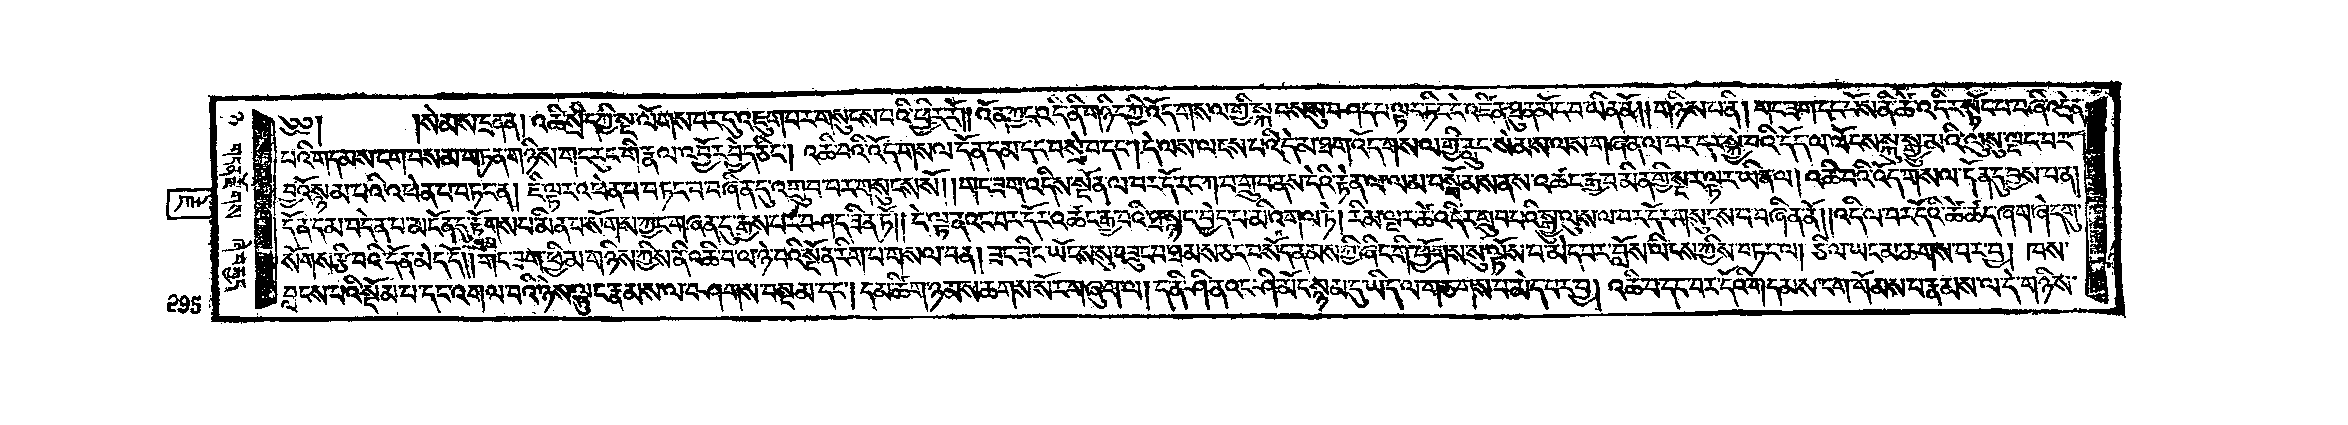༄༅། །སེམས་དྲན་ན། འཆི་སྲིད་ཀྱི་སྔ་ལོགས་བར་དུ་འཇུག་པར་གསུངས་པའི་ཕྱིར་རོ། །འོན་ཀྱང་འདི་ནི་གཉིད་ཀྱི་འོད་གསལ་གྱི་སྐབས་སུ་བཤད་པ་ལྟར་ཏིང་ངེ་འཛིན་ཐུན་མོང་བ་ཡིན་ནོ། །གཉིས་པ་ནི། གང་ཟག་དང་པོས་ནི་ཚེ་འདིར་སྟོང་པ་བཞི་འདྲེན་
པའི་གདམས་ངག་བསམ་གཏན་གཉིས་གང་རུང་གི་རྣལ་འབྱོར་བྱེད་ཅིང་། འཆི་བའི་འོད་གསལ་དོན་དམ་དང་བསྲེ་བ་དང་། དེ་ལས་ལངས་པའི་དེ་མ་ཐག་འོད་གསལ་གྱི་རླུང་སེམས་ལས་གཞན་ལ་བར་དར་སྐྱེ་བའི་དོད་ལ་ལོངས་སྐུ་སྒྱུ་མའི་ལུས་སུ་ལྡང་བར་
བྱའོ་སྙམ་པའི་འཕེན་པ་བཏང་ན། ཇི་ལྟར་འཕེན་པ་བཏང་བ་བཞིན་དུ་འགྲུབ་པར་གསུངས་སོ། །གང་ཟག་འདིས་སྔོན་ལ་བར་དོ་རང་ཀ་བ་གྲུབ་ནས་དེའི་རྟེན་ལ་ལམ་བསྒོམས་ནས་འཚང་རྒྱ་བ་མིན་གྱི་སྔར་ལྟར་ཡིན་ལ། འཆི་བའི་འོད་གསལ་མངོན་དུ་བྱས་པ་ན།
དོན་དམ་བདེན་པ་མངོན་སུམ་དུ་རྟོགས་པ་མིན་པ་སོགས་ཀྱང་གཞན་དུ་རྒྱས་པར་བཤད་ཟིན་ཏོ། །དེ་ལྟ་ནའང་བར་དོར་འཚང་རྒྱ་བའི་ཐ་སྙད་བྱེད་པ་མི་འགལ་ཏེ། རིམ་ལྔར་ཚེ་འདིར་གྲུབ་པའི་སྒྱུ་ལུས་ལ་བར་དོར་གསུངས་པ་བཞིན་ནོ། །འདི་ལ་བར་དོའི་ཚེ་ཚད་ཞག་ཞེ་དགུ་
སོགས་རྩི་བའི་དོན་མེད་དོ། །གང་ཟག་ཕྱི་མ་གཉིས་ཀྱིས་ནི་འཆི་བ་ལ་ཉེ་བའི་སྔོན་རིག་པ་གསལ་བ་ན། ཟང་ཟིང་ཡོངས་སུ་བཟུང་བ་ཐམས་ཅད་བསོད་ནམས་ཀྱི་ཞིང་གི་ཕྱོགས་སུ་ལྟོས་པ་མེད་པར་བློས་ལིངས་ཀྱིས་བཏང་ལ། ཅི་ལ་ཡང་མ་ཆགས་པར་བྱ། ཁས་
བླངས་པའི་སྡོམ་པ་དང་འགལ་བའི་ཉེས་ལྟུང་རྣམས་ལ་བཤགས་བསྡམ་དང་། དམ་ཚིག་ཉམས་ཆགས་སོར་གཞུག་ལ། ད་ནི་ཤི་ནའང་ཤི་མོང་སྙམ་དུ་ཡིད་ལ་གཅགས་པ་མེད་པར་བྱ། འཆི་བ་དང་བར་དོའི་གདམས་ངག་གོམས་པ་རྣམས་ལ་དེ་གཉིས་